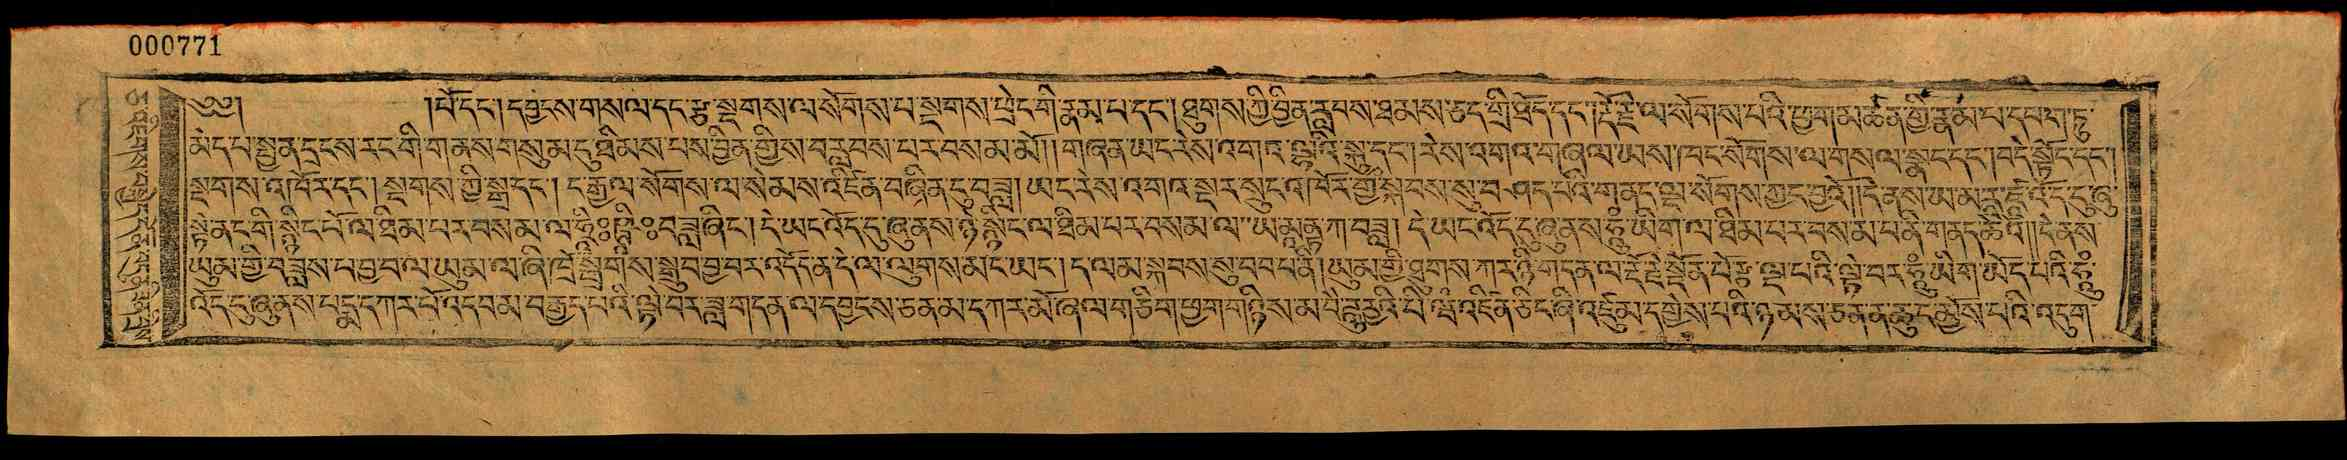༄༅། །པོ་དང་། དབྱངས་གསལ་དང་རྩ་སྔགས་ལ་སོགས་པ་སྔགས་ཕྲེང་གི་རྣམ་པ་དང་། ཐུགས་ཀྱི་བྱིན་རླབས་ཐམས་ཅད་གྲི་ཐོད་དང་། རྡོ་རྗེ་ལ་སོགས་པའི་ཕྱག་མཚན་གྱི་རྣམ་པ་དཔག་ཏུ་
མེད་པ་སྤྱན་དྲངས་རང་གི་གནས་གསུམ་དུ་ཐིམས་པས་བྱིན་གྱིས་བརླབས་པར་བསམ་མོ། །གཞན་ཡང་རེས་འགའ་ལྷའི་སྐུ་དང་། རེས་འགའ་གཞལ་ཡས་ཁང་སོགས་ལ་གསལ་སྣང་དང་། བདེ་སྟོང་དང་
སྔགས་འཁོར་དང་། སྔགས་ཀྱི་སྒྲ་དང་། ང་རྒྱལ་སོགས་ལ་སེམས་འཛིན་བཞིན་དུ་བཟླ། ཡང་རེས་འགའ་སྔར་སྲུང་འཁོར་གྱི་སྐབས་སུ་བཤད་པའི་གནད་ལྔ་སོགས་ཀྱང་བྱའོ། །དེ་ནས་ཡ་མ་རཱ་ཛཱ་འོད་དུ་ཞུ་
སྟེ་ནང་གི་སྙིང་པོ་ལ་ཐིམ་པར་བསམ་ལ་ཧྲཱིཿ ཥྚཱིཿ བཟླ་ཞིང་། དེ་ཡང་འོད་དུ་ཞུ་ནས་ཉེ་སྙིང་ལ་ཐིམ་པར་བསམ་ལ་ཡམཱནྟྐ་བཟླ། དེ་ཡང་འོད་དུ་ཞུ་ནས་ཧཱུཾ་ཡིག་ལ་ཐིམ་པར་བསམ་པ་ནི་གནད་ཆེའོ། །དེ་ནས་
ཡུམ་གྱི་བཟླས་པ་བྱ་བ་ལ་ཡུམ་ལ་ཞི་ཁྲོ་སྒྲགས་སྒྲུབ་བྱ་བར་འདོད་ན་དེ་ལ་ལུགས་མང་ཡང་། ད་ལམ་སྐབས་སུ་བབ་པ་ནི། ཡུམ་གྱི་ཐུགས་ཀར་ཉི་གདན་ལ་རྡོ་རྗེ་སྔོན་པོ་རྩེ་ལྔ་པའི་ལྟེ་བར་ཧཱུཾ་ཡིག་ཡོད་པའི་ཧཱུཾ་
འོད་དུ་ཞུ་ནས་པདམ་དཀར་པོ་འདབ་བརྒྱད་པའི་ལྟེ་བར་ཟླ་གདན་ལ་དབྱངས་ཅན་མ་དཀར་མོ་ཞལ་གཅིག་ཕྱག་གཉིས་མ་བཻཌཱུརྱའི་བི་ཝཾ་འཛིན་ཅིང་ཞི་འཛུམ་དགྱེས་པའི་ཉམས་ཅན་ན་ཆུང་མྱོས་པའི་འདུག་